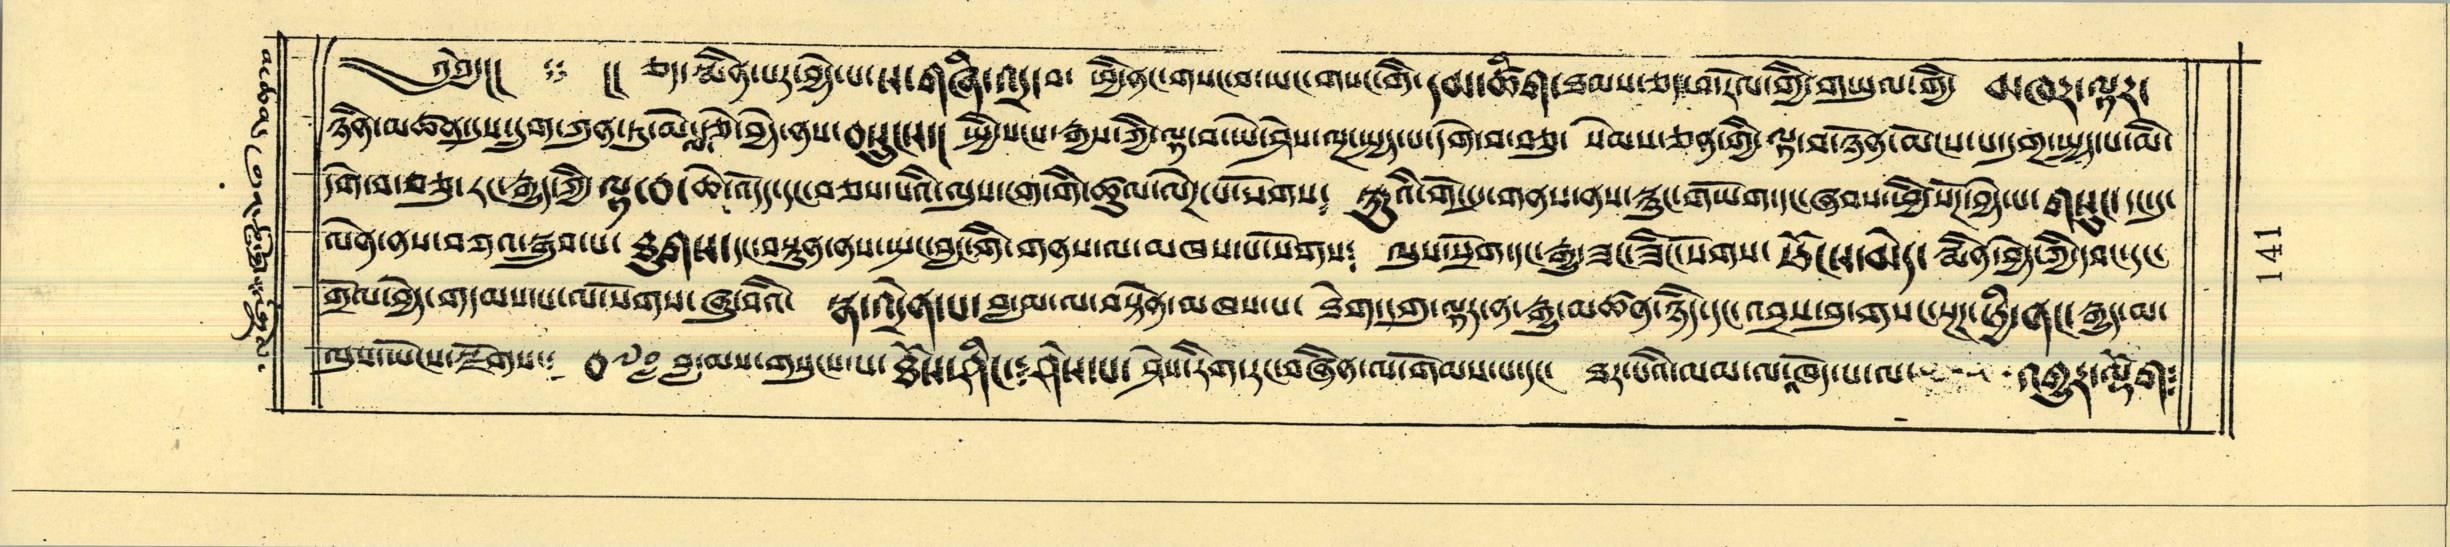ཅད་སྨིན་པར་བྱེད་པ་༼ས་གཞི་འདྲ༽བ་ཕྱི་ནང་གསང་བ་ཡང་གསང་གི་༼དམ་ཚིག༽ཐམས་ཅད་ཕ་རོལ་གྱི་གཡུལ་གྱི་༼མཁར་ལྟར༽
ཉིན་མཚན་དུས་དྲུག་ཀུན་ཏུ་མེལ་ཙེ་བྱེད་ནས་༼བསྲུངས༽སྤྱིར་སངས་རྒྱས་ཀྱི་ལྟ་བ་ཡེ་ཤེས་ལྔ་སྤྱད་པ་དགེ་བ་བཅུ་སེམས་ཅན་གྱི་ལྟ་བ་ཉོན་མོངས་པ་དུག་ལྔ་སྤྱད་པ་མི་
དགེ་བ་བཅུ་རང་རྒྱུད་ཀྱི་༼ལྟ་བ༽ཆེ་འདོད་དང་བཅས་པའི་ལུས་ངག་གི་ཚུལ་ལེགས་པ་སོགས་༼སྐུའི༽གོང་དུ་གནས་ནས་སྙུང་གཡོག་དང་ཞབས་ཕྱི་སོགས་བྱེད་པ་༼གསུང་༽དང་དུ་
ལེན་ནས་བཀའ་བསྒྲུབ་པ་༼ཐུགས༽དང་བསྟུན་ནས་སྤང་བླང་གི་གནས་ལ་མཁས་པ་སོགས་ལུས་སྲོག་དང་རྒྱུ་ཟང་ཟིང་སོགས་༼ཕོངས་མེད༽སྨིན་བྱེད་ཀྱི་དབང་དང་
གྲོལ་བྱེད་གདམས་པ་ལ་སོགས་ཞུ་བའི་༼སྣ་འདྲེན་པ༽བླ་མ་ལ་བསྟེན་མཁས་པ་ཐེག་དགུ་ལྟར་ན་རྒྱུ་མཚན་ཉིད་དང་འབྲས་བུ་གསང་སྔགས་༼ཕྱི་ནང༽རྒྱུད་མ་
ལུས་ཡོངས་རྫོགས་བ༧༠།༤ བླ་མས་གསུངས་པ་༼ཐོས་ཤིང་ཤེས་པ༽ཤེས་རིག་རང་བཞིན་ལ་གོམས་པ་དང་ཐར་པའི་ལམ་ལ་འཁོད་པ་ལ་༼འགྱུར་ལྡོག༽